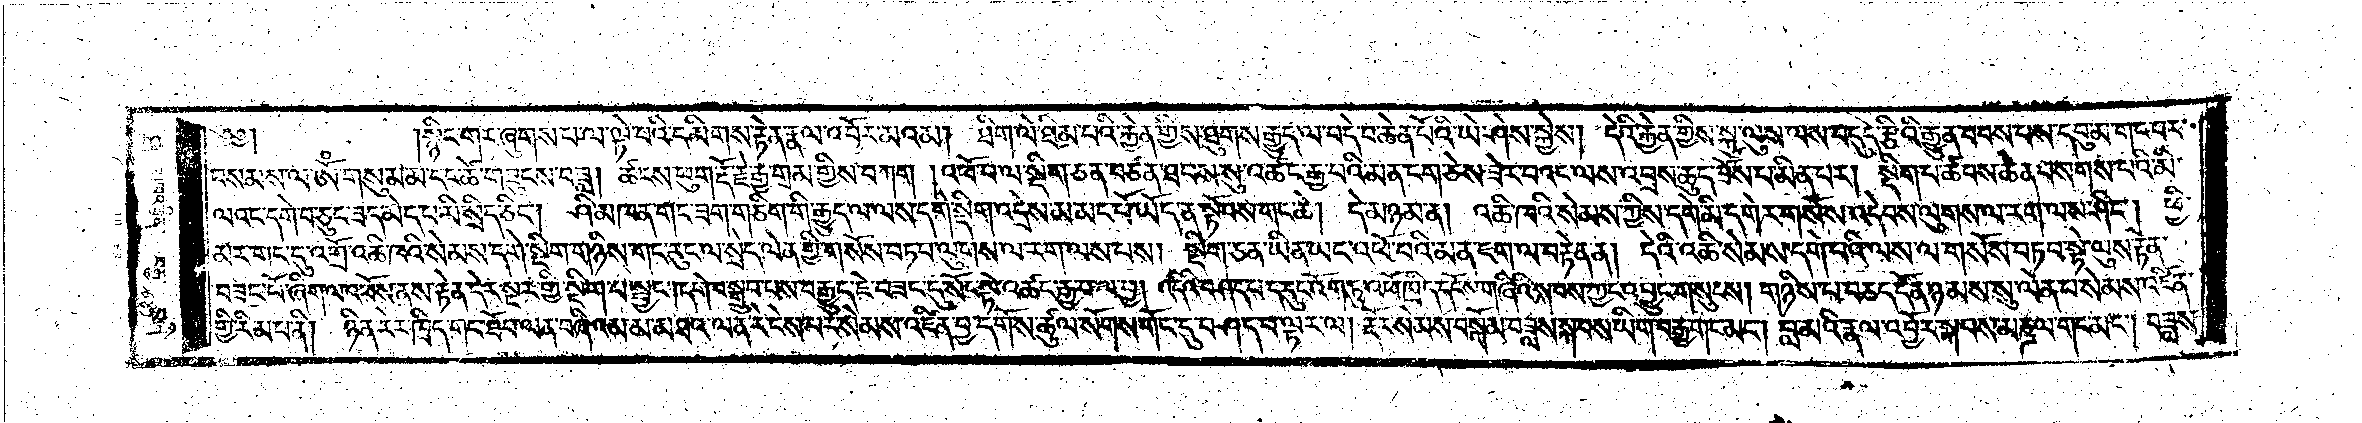༄༅། །སྙིང་གར་ཞུགས་པ་ལ་ལྟེ་བའི་དམིགས་རྟེན་རྣལ་འབྱོར་མའམ། ཐིག་ལེ་ཐིམ་པའི་རྐྱེན་གྱིས་ཐུགས་རྒྱུད་ལ་བདེ་བ་ཆེན་པོའི་ཡེ་ཤེས་སྐྱེས། དེའི་རྐྱེན་གྱིས་སྐུ་ལུས་ལས་བདུད་རྩིའི་རྒྱུན་བབས་པས་དབུ་མ་གང་བར་
བསམས་ལ་ཨོཾ་གསུམ་མ་དང་ཚེ་གཟུངས་བཟླ། ཚངས་ཕུག་རྡོ་རྗེ་རྒྱ་གྲམ་གྱིས་བཀག །འཕོ་བ་ལ་སྡིག་ཅན་བཙན་ཐབས་སུ་འཚང་རྒྱ་བའི་མན་ངག་ཅེས་ཟེར་བའང་ལས་འབྲས་ཆུད་ཟོས་པ་མིན་པར། སྡིག་པ་ཚབས་ཆེན་བསགས་པའི་མི་
ལའང་དགེ་བ་ཅུང་ཟད་མེད་པ་མི་སྲིད་ཅིང་། ཤི་མཁན་གང་ཟག་གཅིག་གི་རྒྱུད་ལ་ལས་དགེ་སྡིག་འདྲེས་མ་མང་པོ་ཡོད་ན་སྟོབས་གང་ཆེ། དེ་མཉམ་ན། འཆི་ཁའི་སེམས་ཀྱིས་དགེ་མི་དགེར་གསོས་འདེབས་ལུགས་ལ་རག་ལས་པས། ཕྱི་
མར་གང་དུ་འགྲོ་འཆི་ཁའི་སེམས་དགེ་སྡིག་གཉིས་གང་རུང་ལ་སྲེད་ལེན་གྱི་གསོས་བཏབ་ལུགས་ལ་རག་ལས་པས། སྡིག་ཅན་ཡིན་ཡང་འཕོ་བའི་མན་ངག་ལ་བརྟེན་ན། དེའི་འཆི་སེམས་དགེ་བའི་ལས་ལ་གསོས་བཏབ་སྟེ་ལུས་རྟེན་
བཟང་པོ་ཞིག་ལ་འཕོས་ནས་རྟེན་དེར་སྔར་གྱི་སྡིག་པ་རྣམས་སྦྱང་། དགེ་བསྒྲུབ་པས་བརྒྱུད་ཇེ་བཟང་དུ་སོང་སྟེ་འཚང་རྒྱ་བ་ལ་བྱ། འདིའི་བཤད་པ་ད་དུང་འོག་ཏུ་འཕོ་ཁྲིད་དངོས་གཞིའི་སྐབས་ཀྱང་འབྱུང་གསུངས། གཉིས་པ་བཅད་དོན་ཉམས་སུ་ལེན་པ་སེམས་འཛིན་
གྱི་རིམ་པ་ནི། ཉིན་རེར་ཁྲིད་གང་ཐོབ་ལན་བཞིའམ་མ་མཐའ་ལན་རེ་ངེས་པར་སམས་འཛིན་བྱ་དགོས་ཚུལ་སོགས་གོང་དུ་བཤད་པ་ལྟར་ལ། རྡོར་སེམས་བསྒོམ་བཟླས་སྐབས་ཡིག་བརྒྱ་གང་མང་། བླ་མའི་རྣལ་འབྱོར་སྐབས་མཎྜལ་གང་མང་། བཟླས་